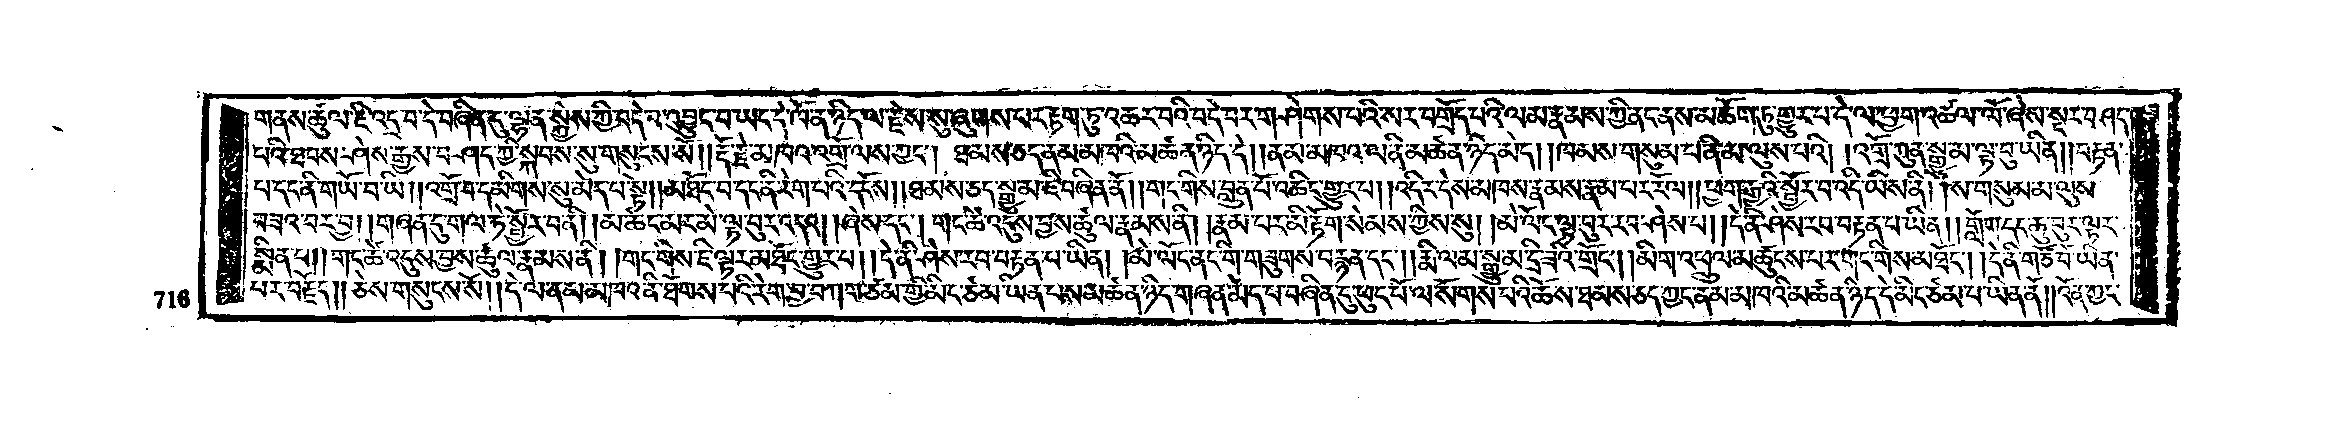གནས་ཚུལ་ཇི་འདྲ་བ་དེ་བཞིན་དུ་ལྷན་སྐྱེས་ཀྱི་བདེ་བ་འབྱུང་བ་ཡང་དེ་ཁོ་ན་ཉིད་ལ་རྗེས་སུ་ཞུགས་པར་རྟག་ཏུ་འཆར་བའི་བདེ་བར་གཤེགས་པའི་སར་བགྲོད་པའི་ལམ་རྣམས་ཀྱི་ནང་ནས་མཆོག་ཏུ་གྱུར་པ་དེ་ལ་ཕྱག་འཚལ་ལོ་ཞེས་སྔར་བཤད་
པའི་ཐབས་ཤེས་རྒྱས་བཤད་ཀྱི་སྐབས་སུ་གསུངས་སོ། །རྡོ་རྗེ་མཁའ་འགྲོ་ལས་ཀྱང་། ཐམས་ཅད་ནམ་མཁའི་མཚན་ཉིད་དེ། །ནམ་མཁའ་ལ་ནི་མཚན་ཉིད་མེད། །ཁམས་གསུམ་པ་ནི་མ་ལུས་པའི། །འགྲོ་ཀུན་སྒྱུ་མ་ལྟ་བུ་ཡིན། །བརྟན་
པ་དང་ནི་གཡོ་བ་ཡི། །འགྲོ་བ་དམིགས་སུ་མེད་པ་སྟེ། །མཐོང་བ་དང་ནི་རེག་པའི་དངོས། །ཐམས་ཅད་སྒྱུ་མ་ཇི་བཞིན་ནོ། །གང་གིས་བླུན་པོ་འཆིང་གྱུར་པ། །འདིར་དེས་མཁས་རྣམས་རྣམ་པར་རོལ། །ཕག་རྒྱའི་སྦྱོར་བ་འདི་ཡིས་ནི། །ས་གསུམ་མ་ལུས་
བཟའ་བར་བྱ། །གཞན་དུ་གལ་ཏེ་སྦྱོར་བ་ནི། །མ་ཚང་མར་མེ་ལྟ་བུར་འདའ། །ཞེས་དང་། གང་ཚེ་འདུས་བྱས་ཚུལ་རྣམས་ནི། །རྣམ་པར་མི་རྟོག་སེམས་ཀྱིས་སུ། །མེ་ལོང་ལྟ་བུར་རབ་ཤེས་པ། །དེ་ནི་ཤེས་རབ་བརྟན་པ་ཡིན། །གློག་དང་ཆུ་བུར་ལྟར་
སྨིན་པ། །གང་ཚེ་འདུས་བྱས་ཚུལ་རྣམས་ནི། །གང་གིས་ཇི་ལྟར་མཐོང་གྱུར་པ། །དེ་ནི་ཤེས་རབ་བརྟན་པ་ཡིན། །མེ་ལོང་ནང་གི་གཟུགས་བརྙན་དང་། །རྨི་ལམ་སྒྱུ་མ་དྲི་ཟའི་གྲོང་། །མིག་འཕྲུལ་མཚུངས་པར་གང་གིས་མཐོང་། །དེ་ནི་གཙོ་བོ་ཡིན་
པར་བརྗོད། །ཅེས་གསུངས་སོ། །དེ་ལ་ནམ་མཁའ་ནི་ཐོགས་པའི་རེག་བྱ་བཀག་ཙམ་གྱི་མིང་ཙམ་ཡིན་པས་མཚན་ཉིད་གཞན་མེད་པ་བཞིན་དུ་ཕུང་པོ་ལ་སོགས་པའི་ཆོས་ཐམས་ཅད་ཀྱང་ནམ་མཁའི་མཚན་ཉིད་དེ་མིང་ཙམ་པ་ཡིན་ནོ། །འོན་ཀྱང་